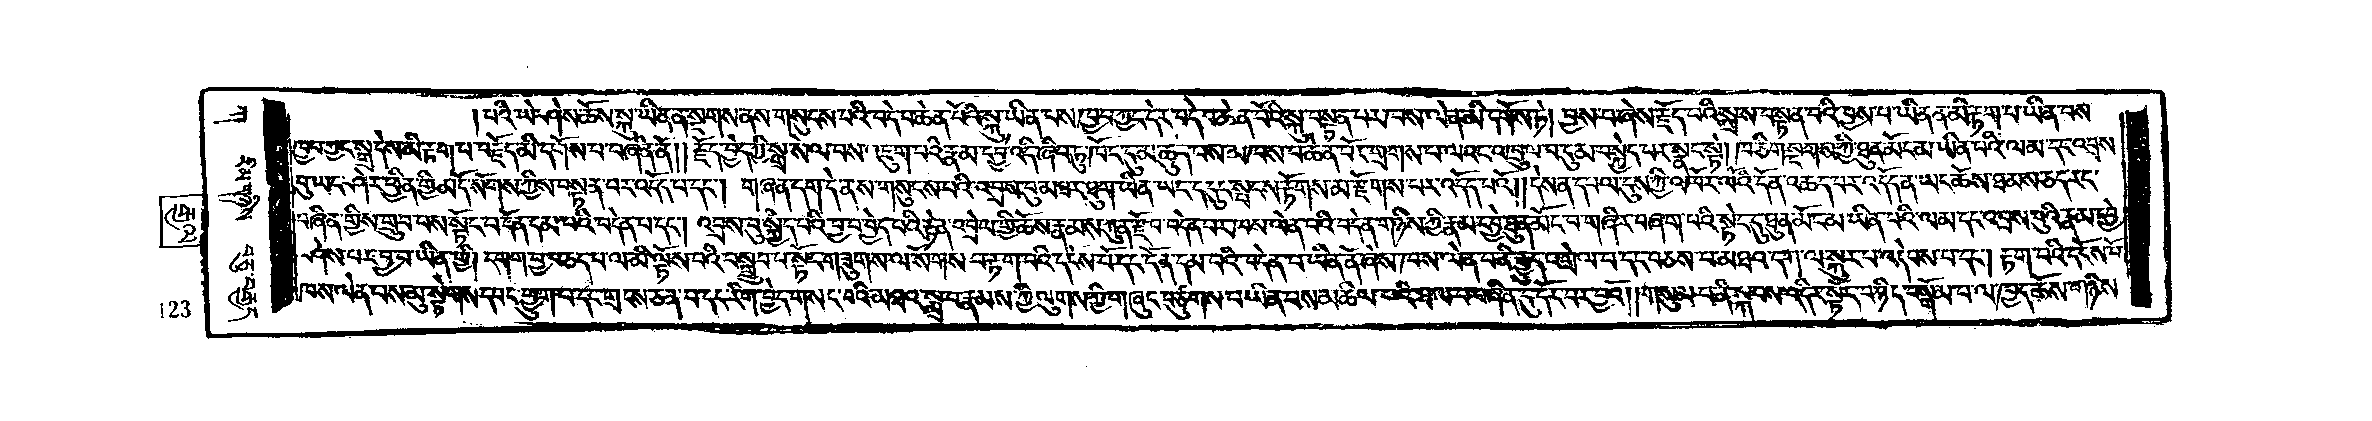༄༅། །པའི་ཡེ་ཤེས་ཆོས་སྐུ་ཡིན་ན་སྔགས་ནས་གསུངས་པའི་བདེ་བ་ཆེན་པོའི་སྐུ་ཡིན་པས་ཁྱབ་ཀྱང་དེར་བདེ་བ་ཆེན་པོའི་སྐུ་བསྟན་པར་ཁས་ལེན་མི་དགོས་ཏེ། བྱས་པ་ཞེས་རྗོད་པའི་སྐྲས་བསྟན་པའི་བྱས་པ་ཡིན་ན་མི་རྟག་པ་ཡིན་པས་
ཁྱབ་ཀྱང་སྒྲ་དེས་མི་རྟག་པ་བརྗོད་མི་དགོས་པ་བཞིན་ནོ། །རྗོད་བྱེད་ཀྱི་སྒྲ་སེལ་བས་འཇུག་པའི་རྣམ་དབྱེ་འདི་ཞིབ་ཏུ་ཁོང་དུ་མ་ཆུད་པས་མཁས་པ་ཆེན་པོར་གྲགས་པ་ལའང་འཁྲུལ་པ་དུ་མ་བསྐྱེད་པར་སྣང་སྟེ། ཁ་ཅིག་སྔགས་ཀྱི་ཐུན་མོང་མ་ཡིན་པའི་ལམ་དང་འབྲས་
བུ་ཡང་ཤེར་ཕྱིན་གྱི་མདོ་སོགས་ཀྱིས་བསྟན་པར་འདོད་པ་དང་། གཞན་དག་དེ་ནས་གསུངས་པའི་འབྲས་བུ་མཐར་ཐུག་ཡིན་ཡང་ད་དུང་སྤངས་རྟོགས་མ་རྫོགས་པར་འདོད་པའོ། །དེས་ན་དཔལ་དུས་ཀྱི་འཁོར་ལོའི་དོན་འཆད་པར་འདོད་ན་ཡང་ཆོས་ཐམས་ཅད་རང་
བཞིན་གྱིས་གྲུབ་པས་སྟོང་པ་དོན་དམ་པའི་བདེན་པ་དང་། འབྲས་བུ་སྐྱེད་པའི་བྱ་བ་བྱེད་པའི་རྟེན་འབྲེལ་གྱི་ཆོས་རྣམས་ཀུན་རྫོབ་བདེན་པར་ཁས་ལེན་པའི་བདེན་གཉིས་ཀྱི་རྣམ་དབྱེ་ཐུན་མོང་བ་གཞིར་བཞག་པའི་སྟེང་དུ་ཐུན་མོང་མ་ཡིན་པའི་ལམ་དང་འབྲས་བུའི་རྣམ་དབྱེ་
ཤེས་པར་བྱ་བ་ཡིན་གྱི། དགག་བྱ་བཅད་པ་ལ་མི་ལྟོས་པའི་བསྒྲུབ་པ་སྟོང་གཟུགས་ལ་སོགས་པ་བརྟག་པའི་དངོས་པོ་དང་དོན་དམ་པའི་བདེན་པ་ཡིན་ནོ་ཞེས་ཁས་ལེན་པ་ནི་རྒྱུད་འགྲེལ་བ་དང་བཅས་པ་མཐའ་དག་ལ་སྐུར་བ་འདེབས་པ་དང་། རྟག་པའི་དངོས་པོ་
ཁས་ལེན་པས་མུ་སྟེགས་དབང་ཕྱུག་པ་དང་གྲངས་ཅན་པ་དང་རིག་བྱེད་གསང་བའི་མཐའ་སྨྲ་བ་རྣམས་ཀྱི་ལུགས་ཀྱི་གཞུང་བཙུགས་པ་ཡིན་པས་མཆིལ་བའི་ཐལ་བ་བཞིན་དུ་དོར་བར་བྱའོ། །གསུམ་པ་ནི་སྐབས་འདིར་སྟོང་པ་ཉིད་བསྒོམ་པ་ལ་ཁྱད་ཆོས་གཉིས་